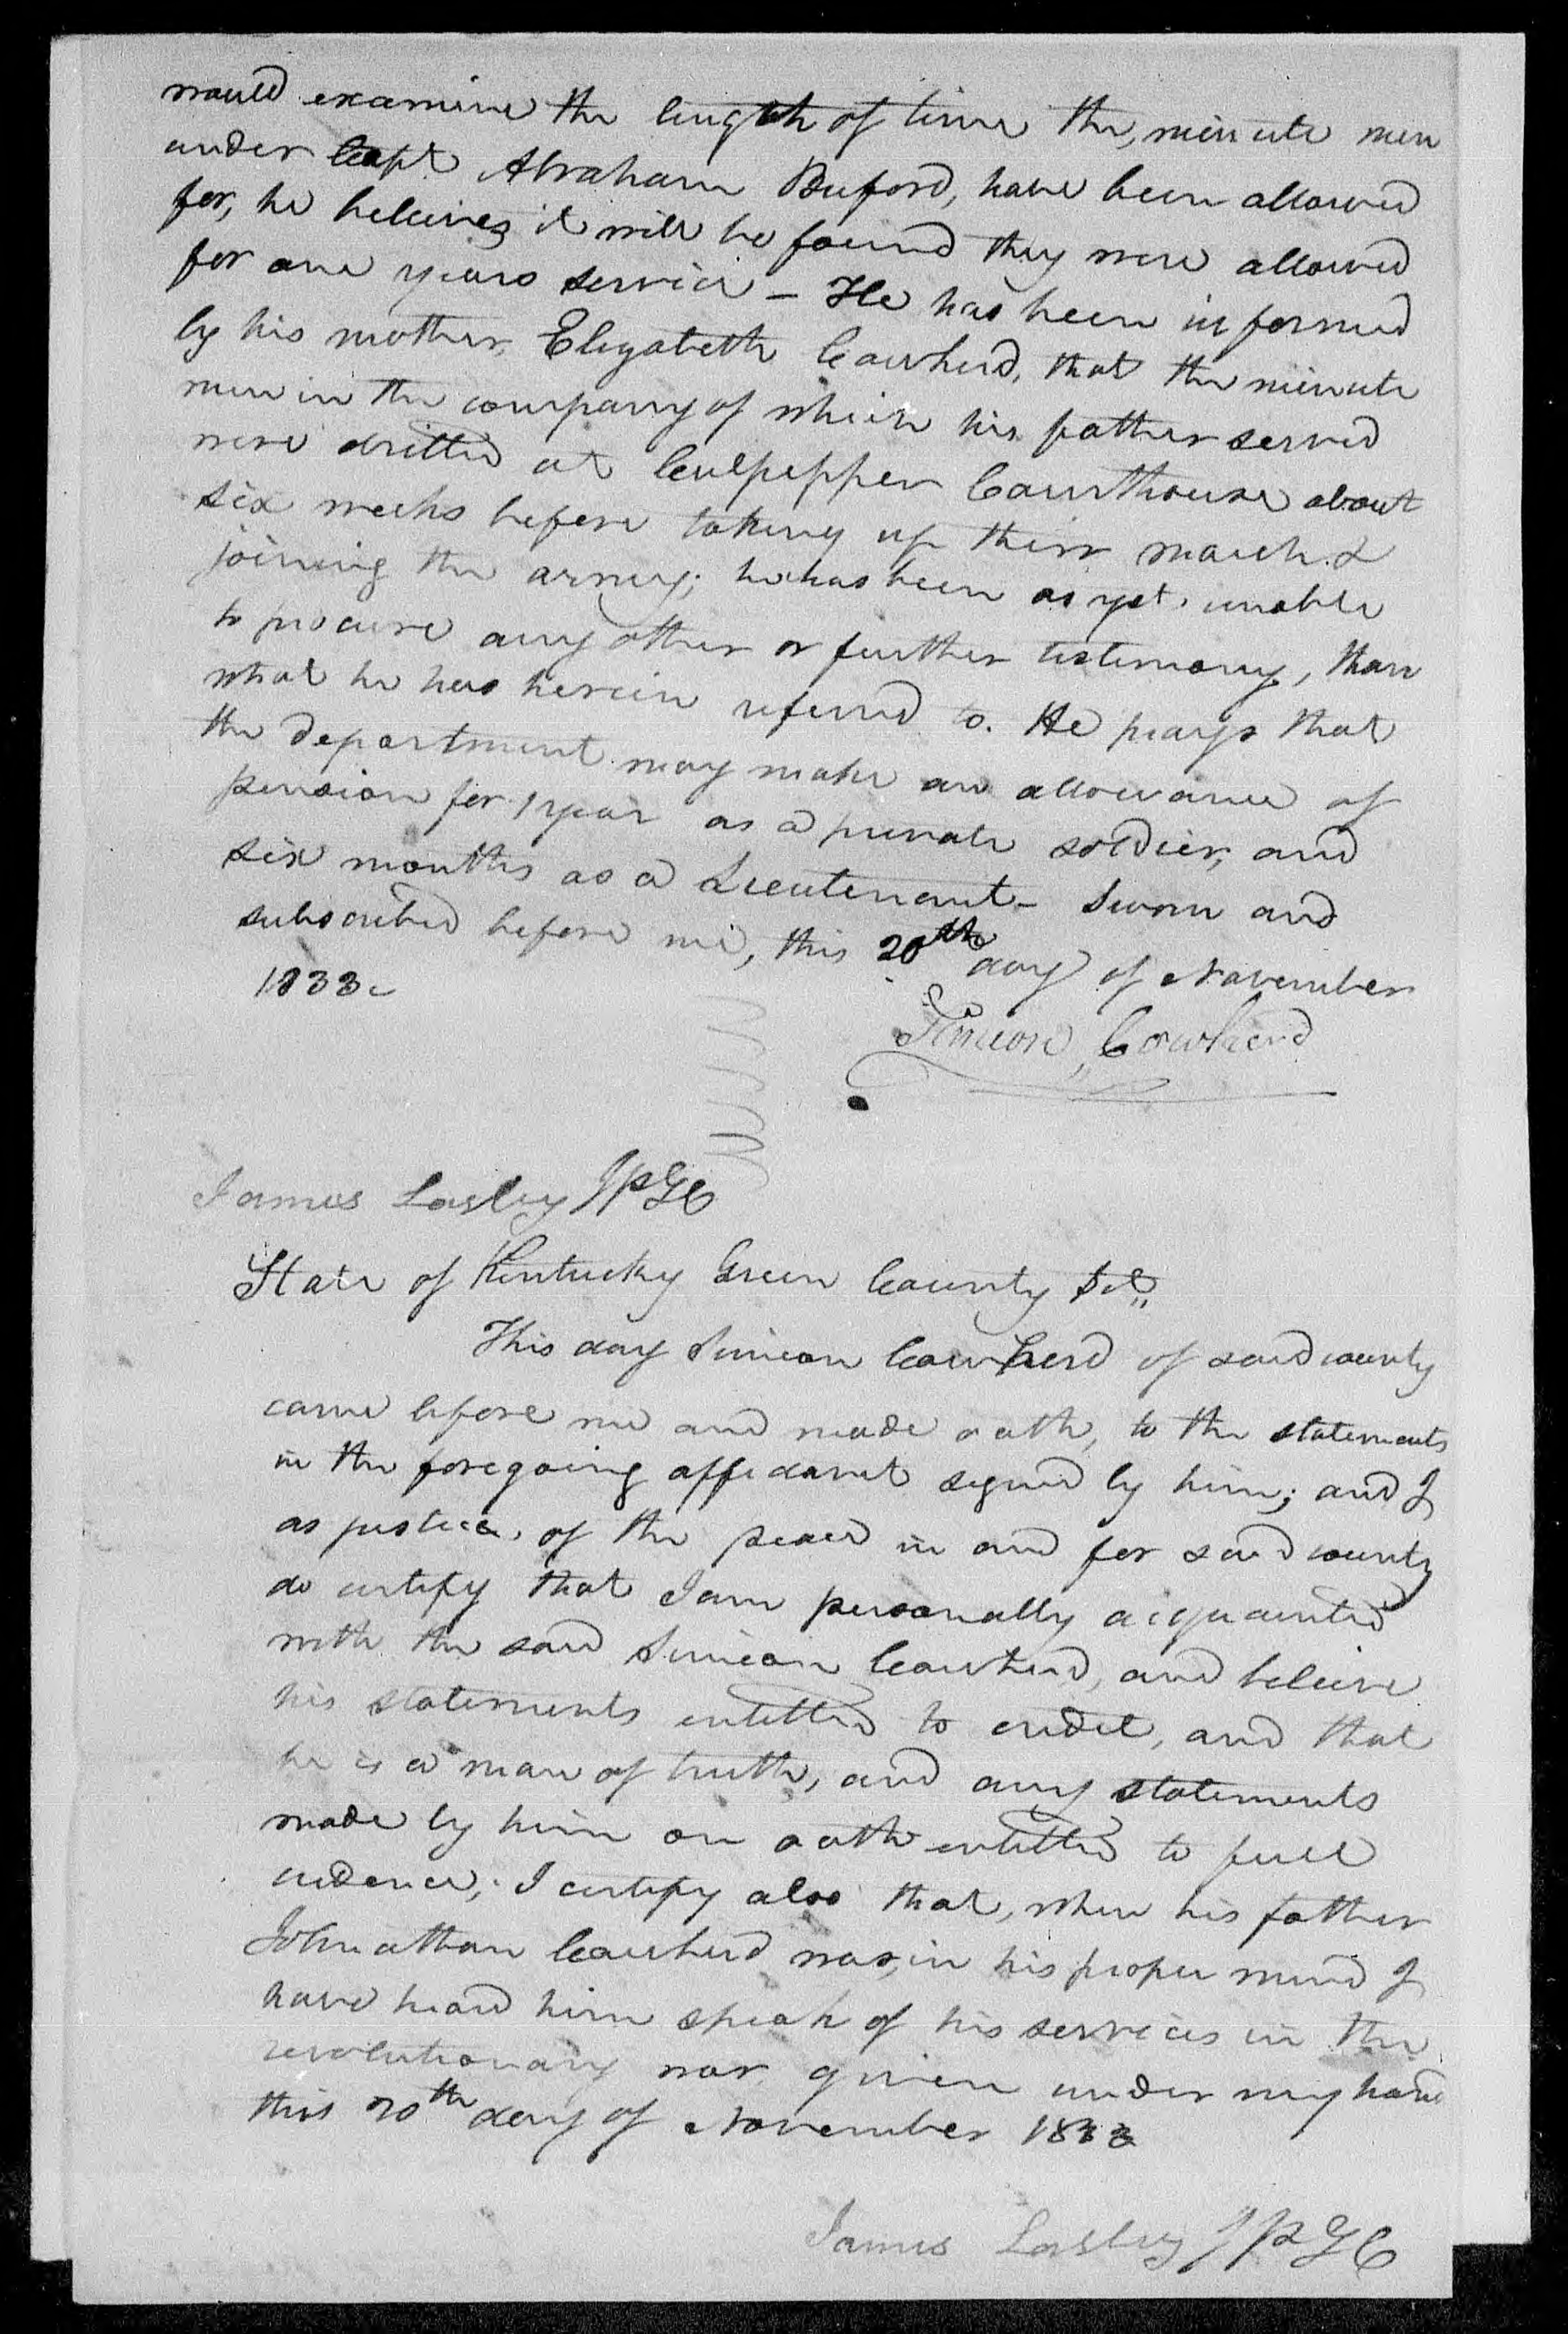would examine the length of time the minute men under Capt Abraham Buford, have been allowed for, he believes, it will be found they were allowed for one years service. He has been informed by his mother, Elizabeth Cowherd, that the minute men in the company of which his father served were writted at Culpepper Courthouse about six weeks before taking up their march & joining the army; he has been as yet unable procure any other or further testimony, than what he has herein referred to. He prays that the department may make an allowance of pension for 1 year as a private soldier and six months as a Lieutenant  Sworn and subscribed before me, this 20th day of November 1833
Simeon Cowherd

James Lasley JPGC [Justice of the Peace Green County]

State of Kentucky Green County Sct
This day Simeon Cowherd of said county
came before me and made oath, to the statements in the foregoing affidavit signed by him; and I as justice of the peace in and for said county do certify that I am personally acquainted with the said Simeon Cowherd, and believe his statements entitled to credit, and that he is a man of truth, and any statements made by him on oath entitled to full credence; I certify also that, when his father
Johnathan Cowherd was in his proper mind
I have heard him speak of his services in the
revolutionary war given under my hand
this 20th day of November 1833
James Lasley JPGC [Justice of the Peace Green County]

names: Simeon Cowherd, Simeon Cowherd, James Lasley, James Lasley, Elizabeth Cowherd, Simeon Cowherd, Abraham Buford, Johnathan Cowherd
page: 46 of 46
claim: widow's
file: W 8619, Jonathan Cowherd, Va.